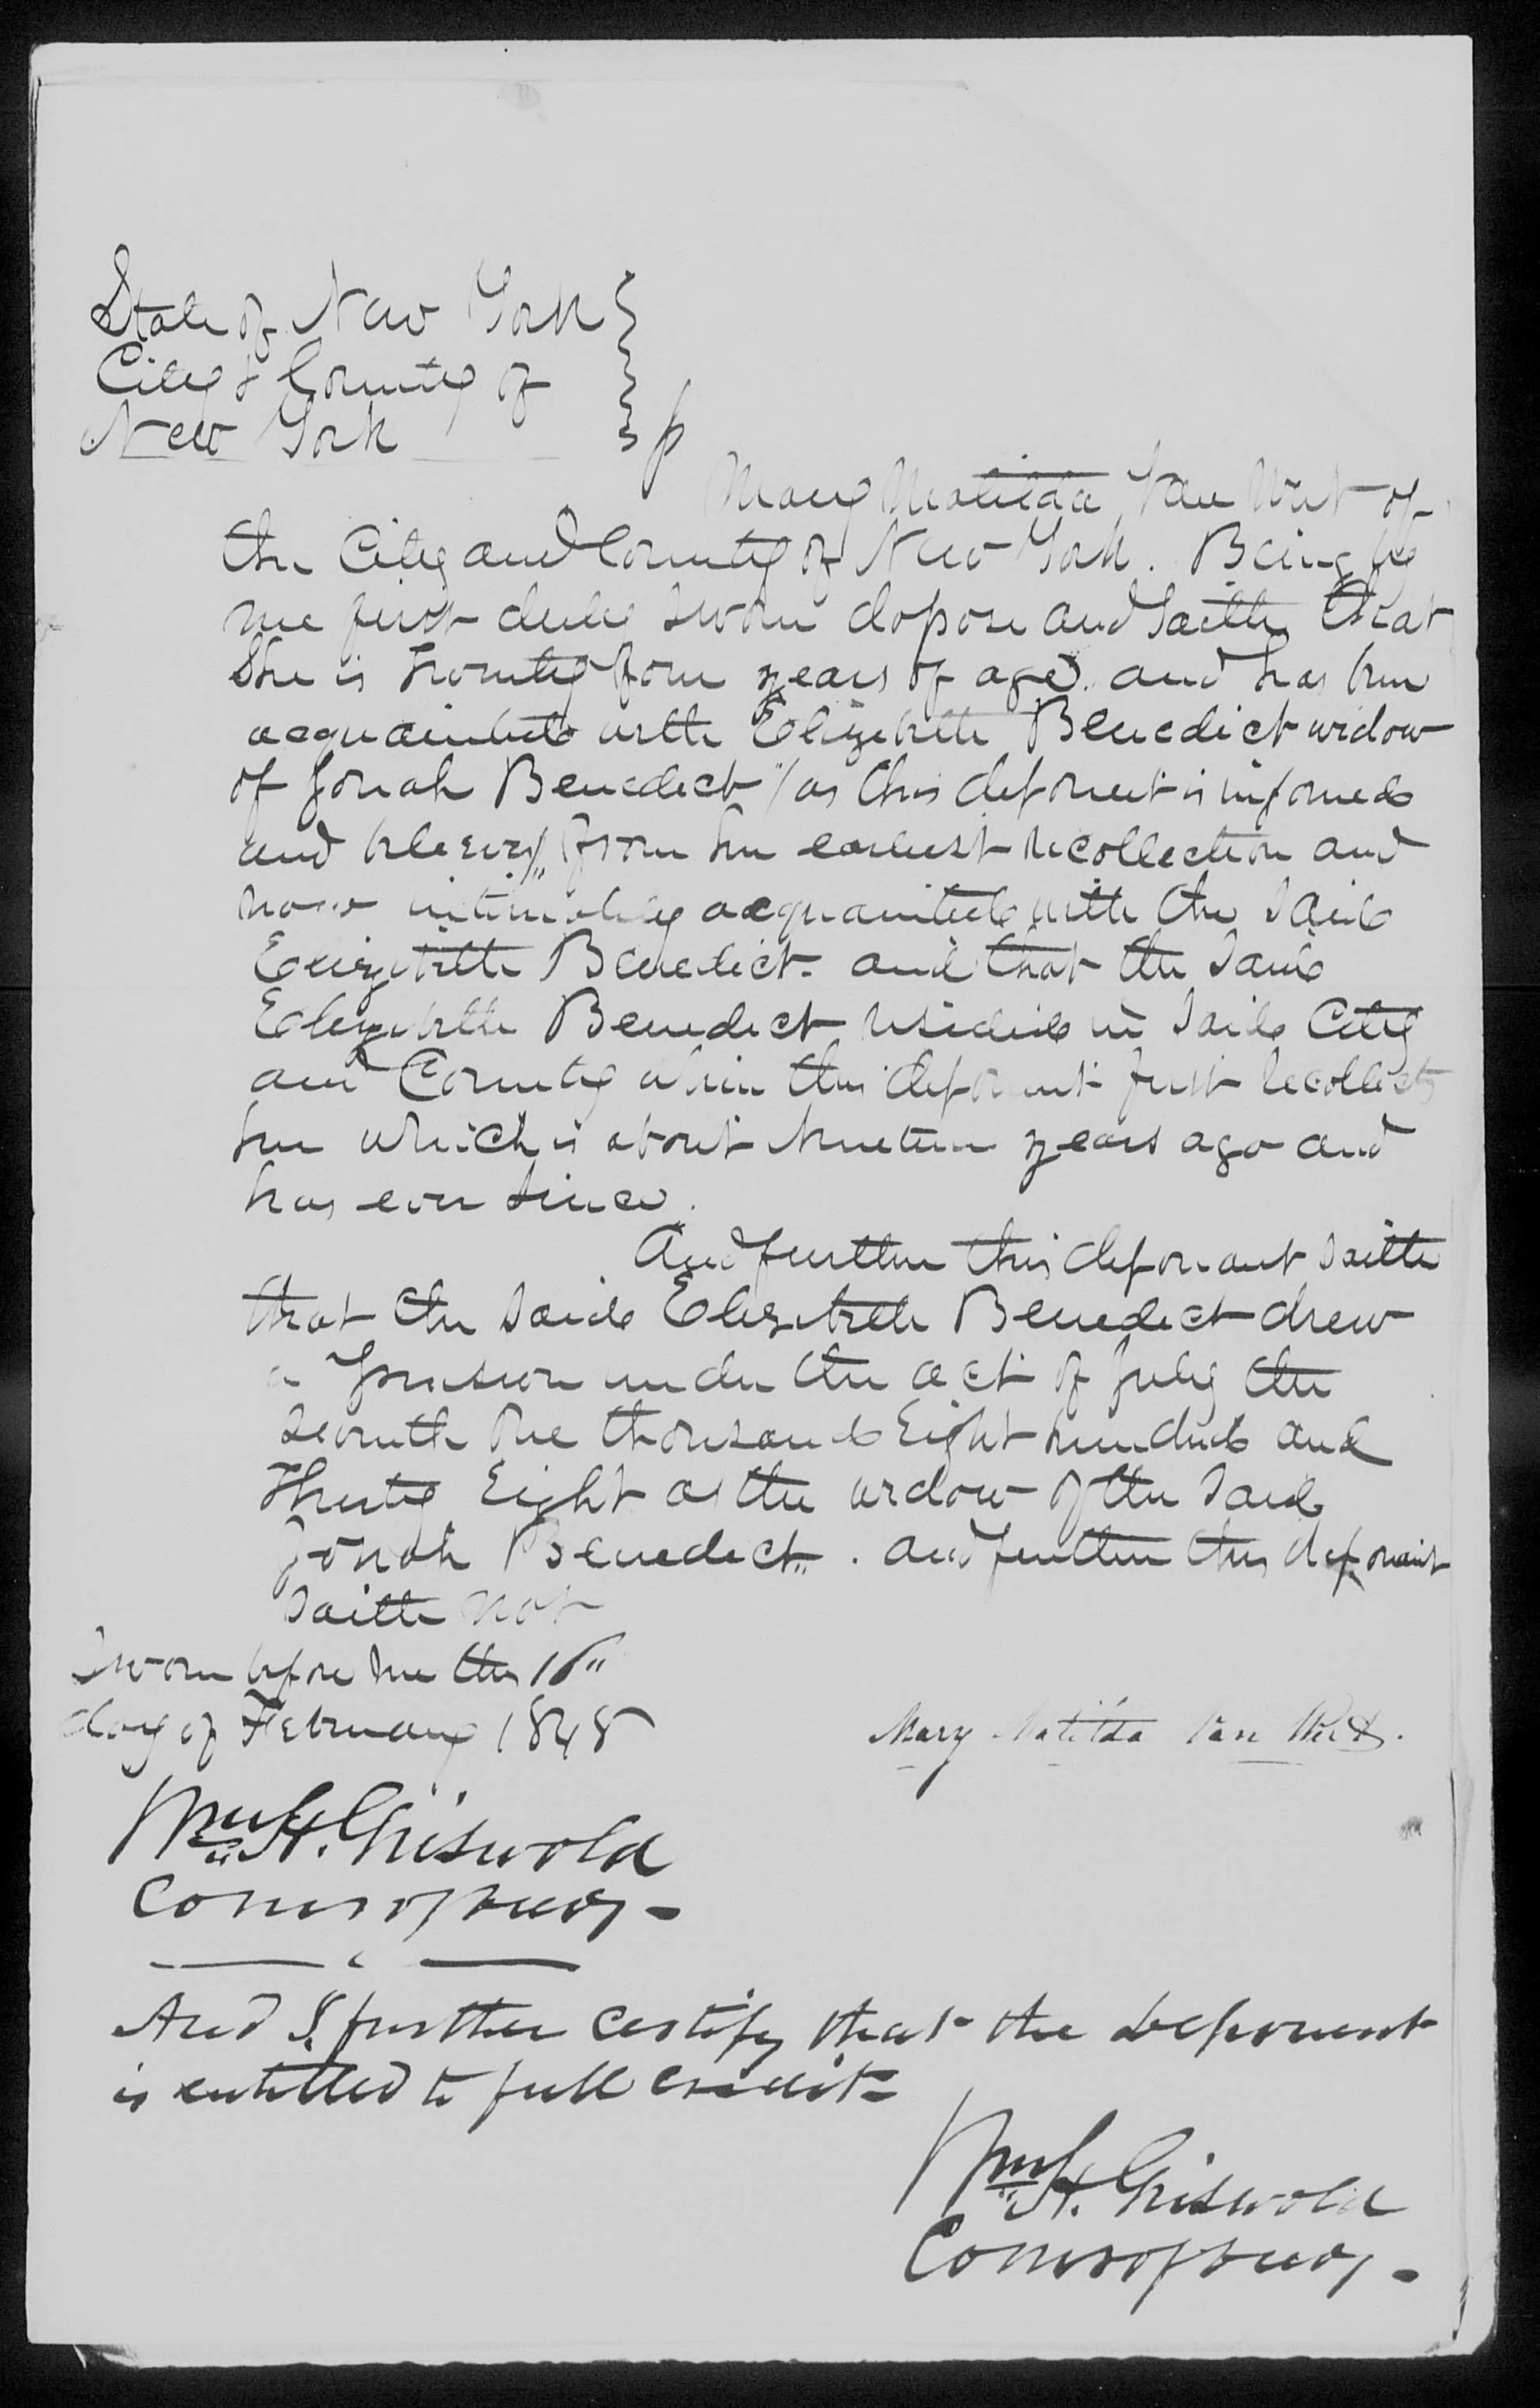State of New York }
City & County of  }
New York             }  Ss

Mary Matilda Van Wert of
the City and County of New York, Being by
me first duly sworn depose and saith that
she is seventy four years of age and has been
acquainted with Elizabeth Benedict widow
of Jonah Benedict as this deponent is informed
and believes from her earliest recollection and
now intimately acquainted with the said
Elizabeth Benedict and that the same
Elizabeth Benedict resided in said City
and County when this deponent first recollects
her which is about nineteen years ago and
has ever since
                  And further this deponant saith
that the said Elizabeth Benedict drew
a pension under the act of July the
Seventh the thousand Eight hundred and
Thirty Eight as the widow of the said
Jonah Benedict And further this deponant
saith not.
Sworn before me the 16"
day of February 1848              Mary Matilda Van Wert
Wm H. Griswold
Comm of deeds
And I further certify that the Deponent
is entitled to full credit
                             Wm H. Griswold
                              Comm of Deeds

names: Elizabeth Benedict, Jonah Benedict, Mary Matilda Van Wert, Wm H Griswold, Elizabeth Benedict, Elizabeth Benedict, Elizabeth Benedict, Wm H Griswold, Jonah Benedict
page: 42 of 56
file: [ILLEGIBLE], Jonah Benedict, Conn.